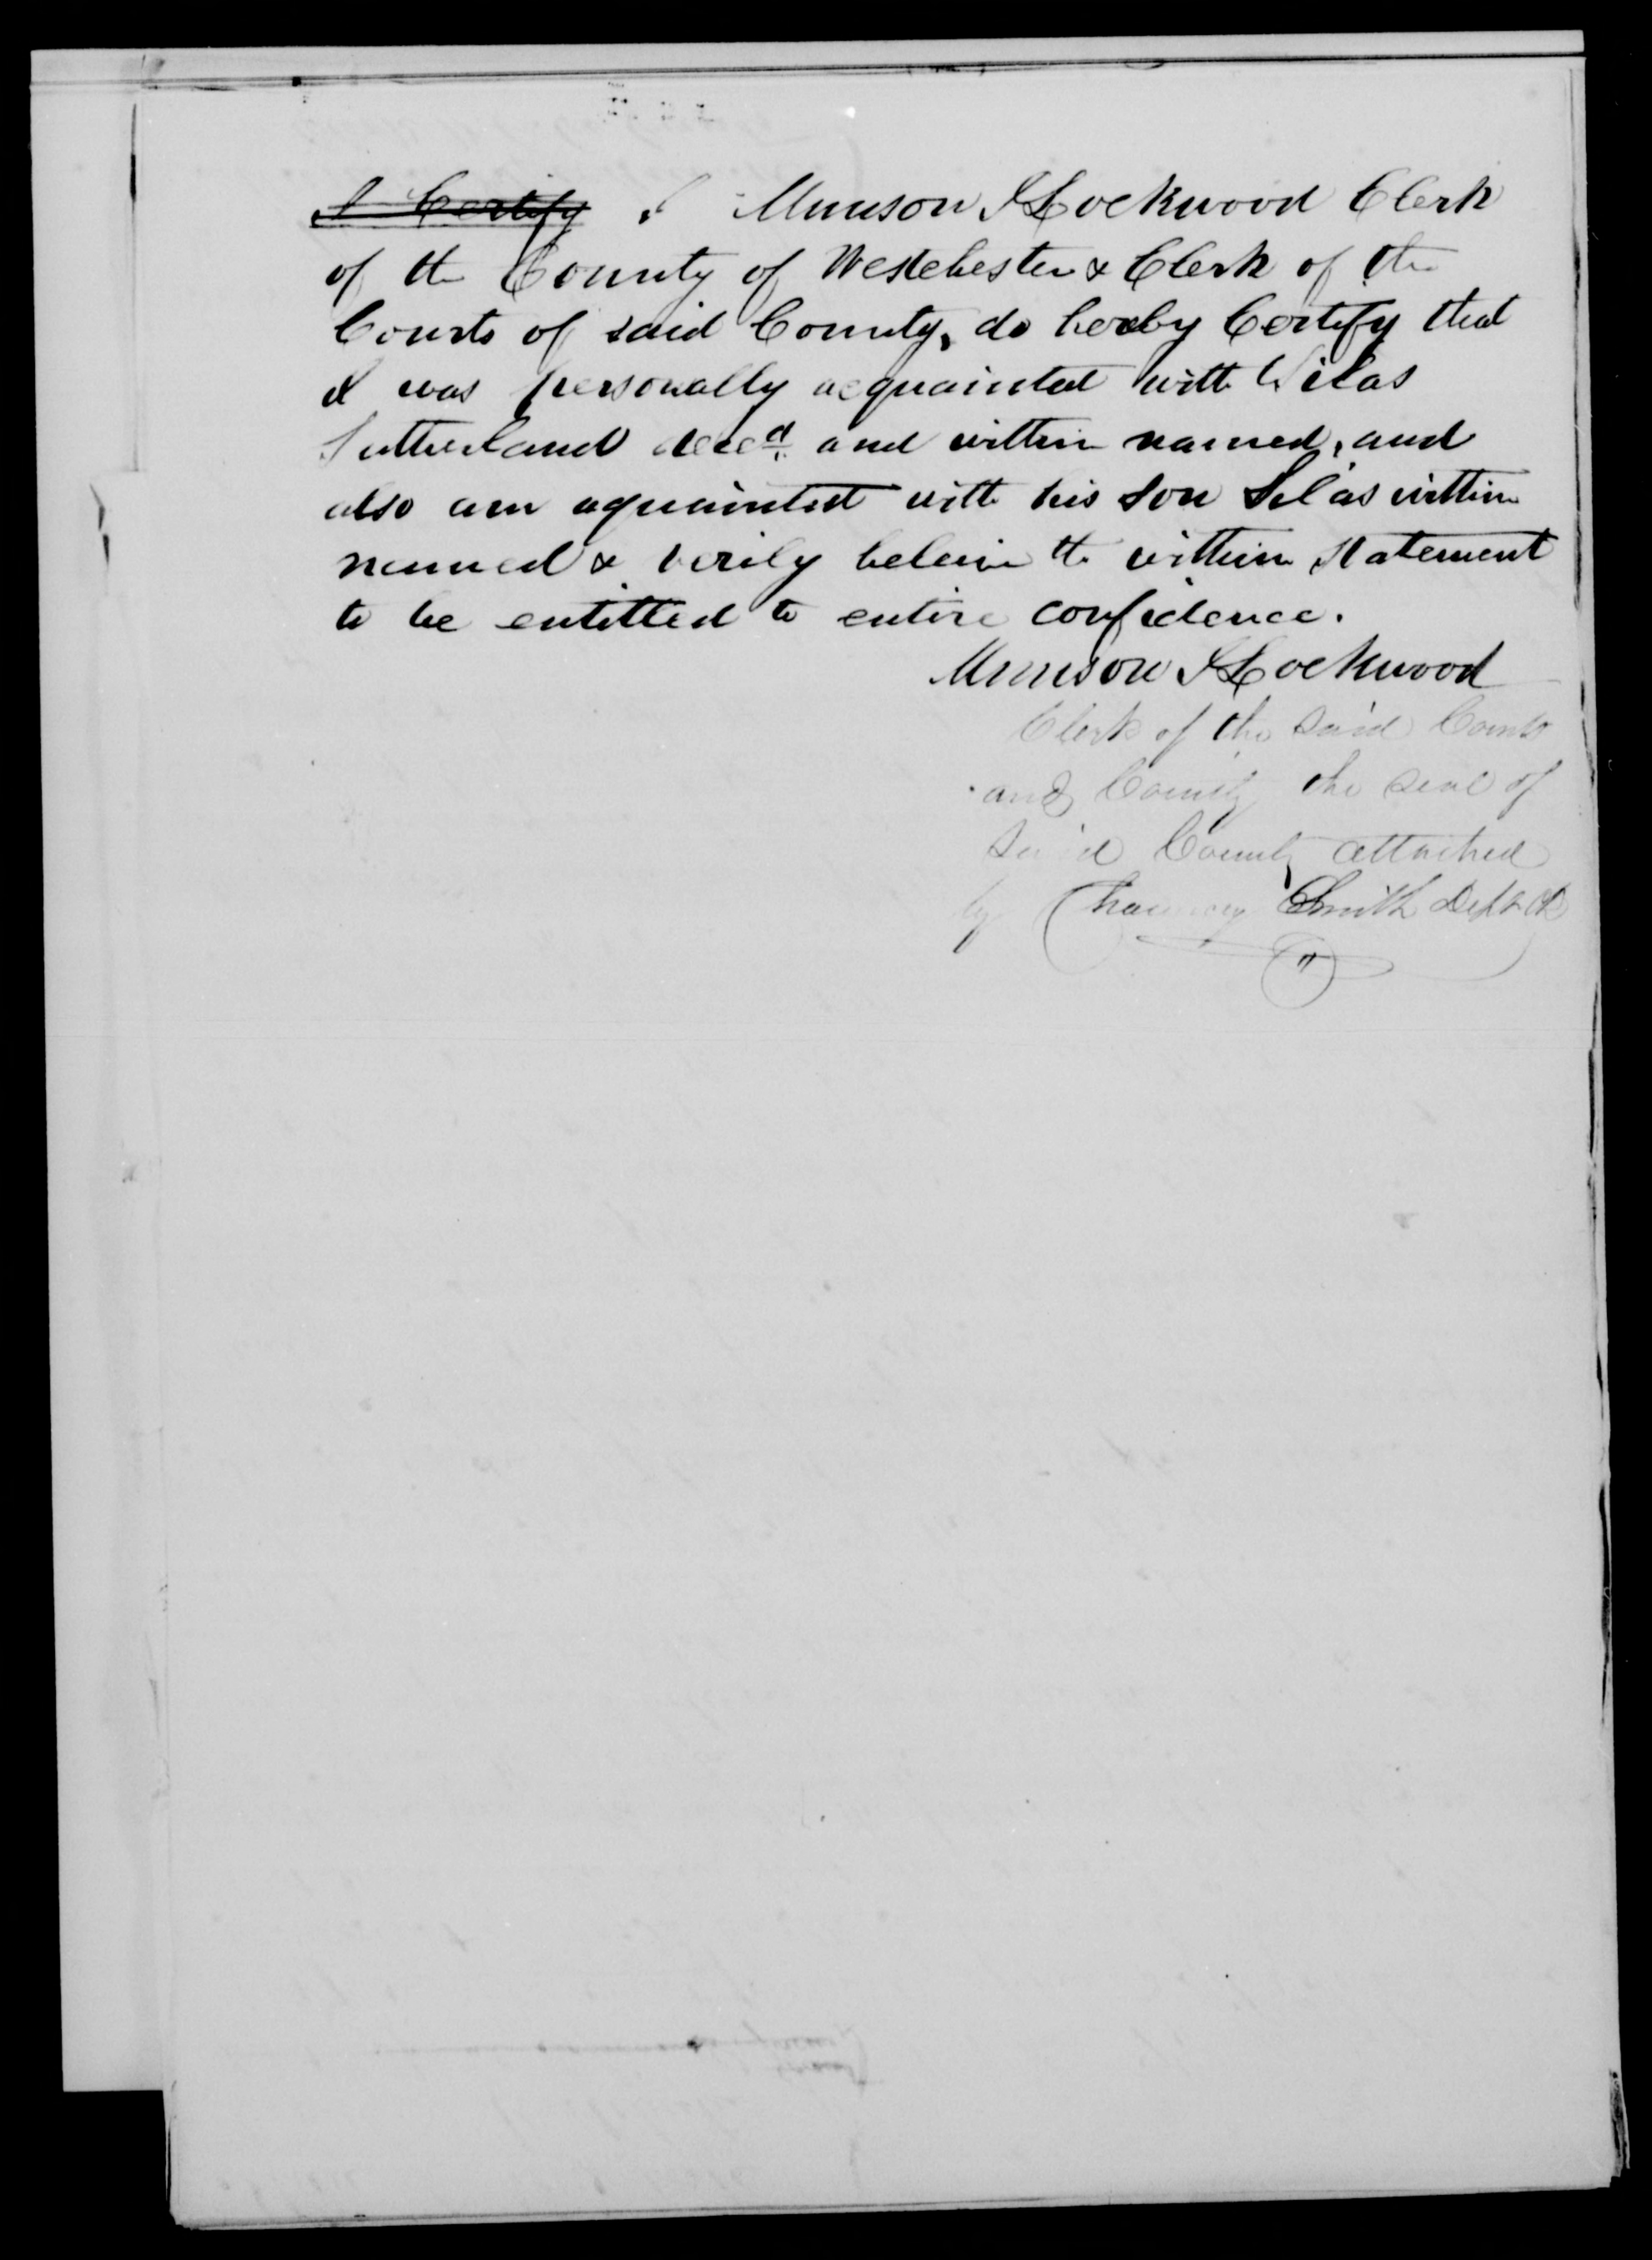I Munson Lockwood Clerk of the County of Westchester and Clerk of the Courts of said County, do hereby certify that I was personally acquainted with Silas Sutherland decd and within named, and also am acquainted with his son Silas within named and verily believe the written statement to be entitled to entire confidence.  

Munson I Lockwood
Clerk of the said Courts and County the seal of said County attached by Chauncey Smith, Dept Clk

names: Munson I Lockwood; Chauncey Smith; Munson I Lockwood; Silas [BLANK]; Silas Sutherland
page: 5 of 77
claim: survivor's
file: S. 23003, for Silas Southerland, New York